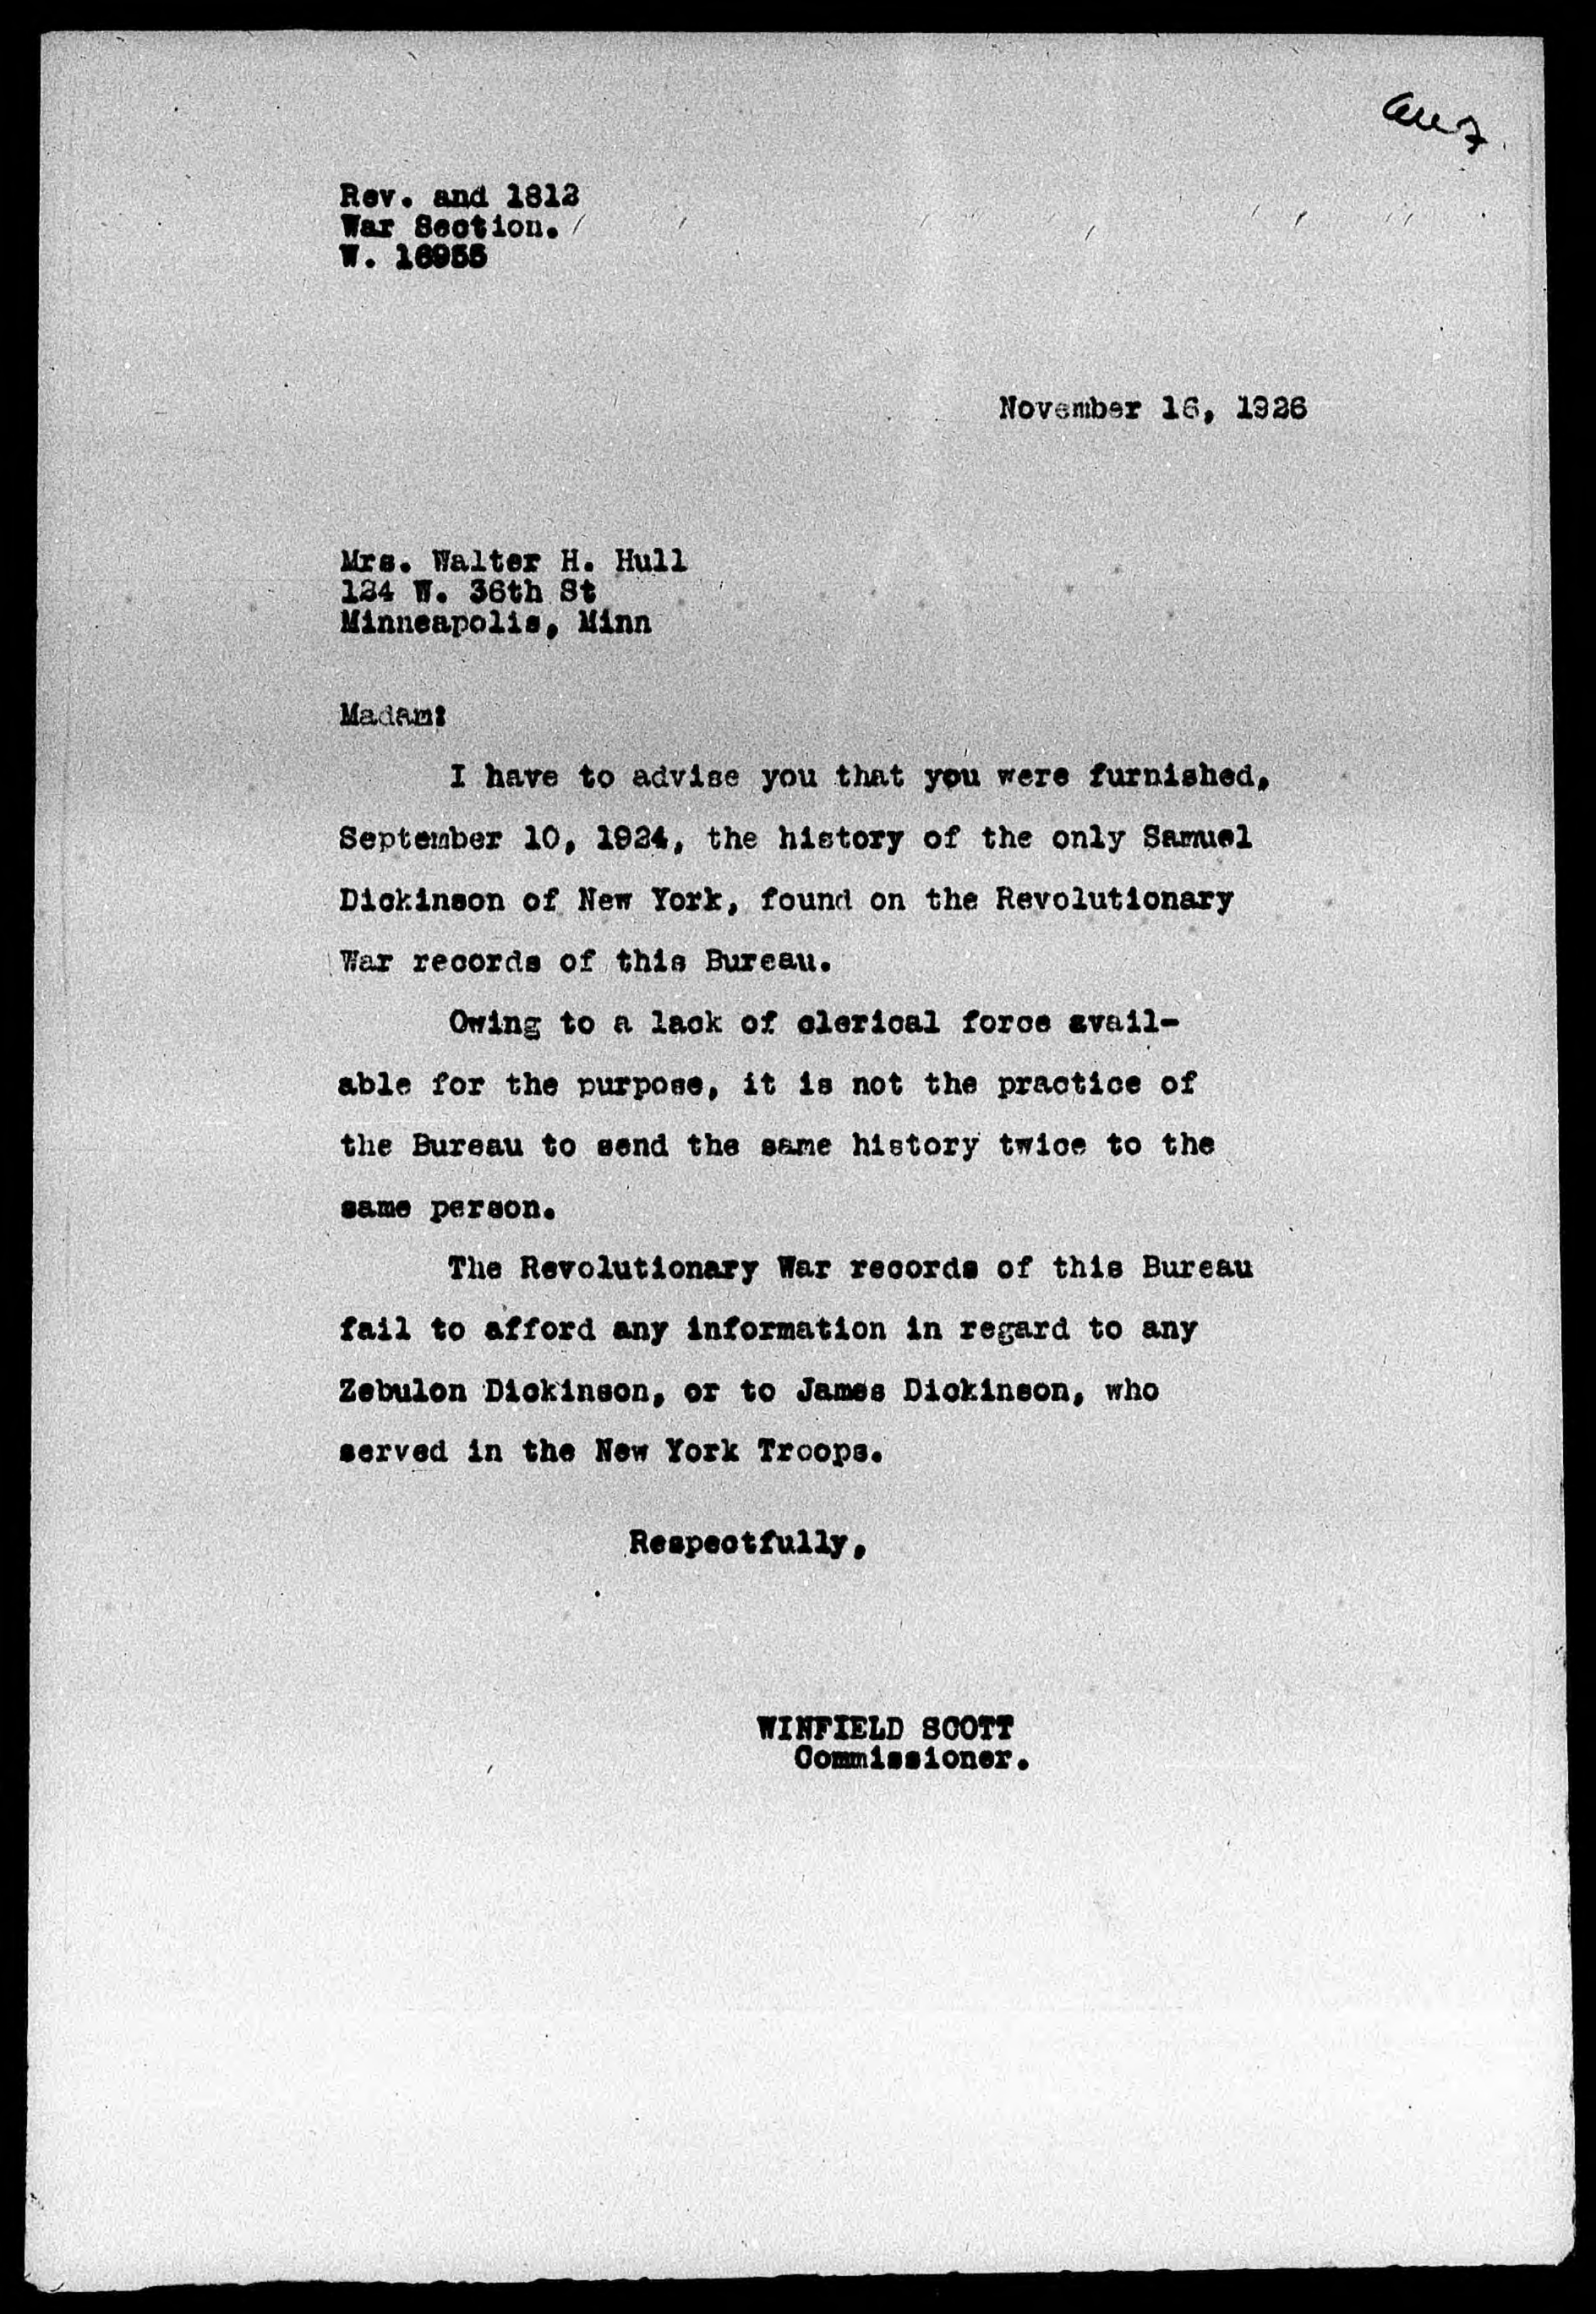Rev. and 1812
War Section.
W. 16955
Mrs. Walter H. Hull
Both St
Minneapolis, Minn.
Madam
November 18, 1926
I have to advise you that you were furnished.
September 10, 1924, the history of the only Samuel
Dickinson of New York, found on the Revolutionary War
records of this Bureau.
Owing to a lack of clerical force available
for the purpose, it is not the practice of
the Bureau to send the same history twice to the same
person.
The Revolutionary War records of this Bureau
fail to afford any information in regard to any
Zebulon Dickinson, or to James Dickinson, who
served in the New York Troops.
Respectfully,
WINFIELD SCOTT
Commissioner.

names: Walter H Hull, Zebulon Dickinson, Winfield Scott, James Dickinson, Samuel Dickinson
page: 22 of 60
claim: widow's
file: W 16,955, Samuel Dickinson, Conn.